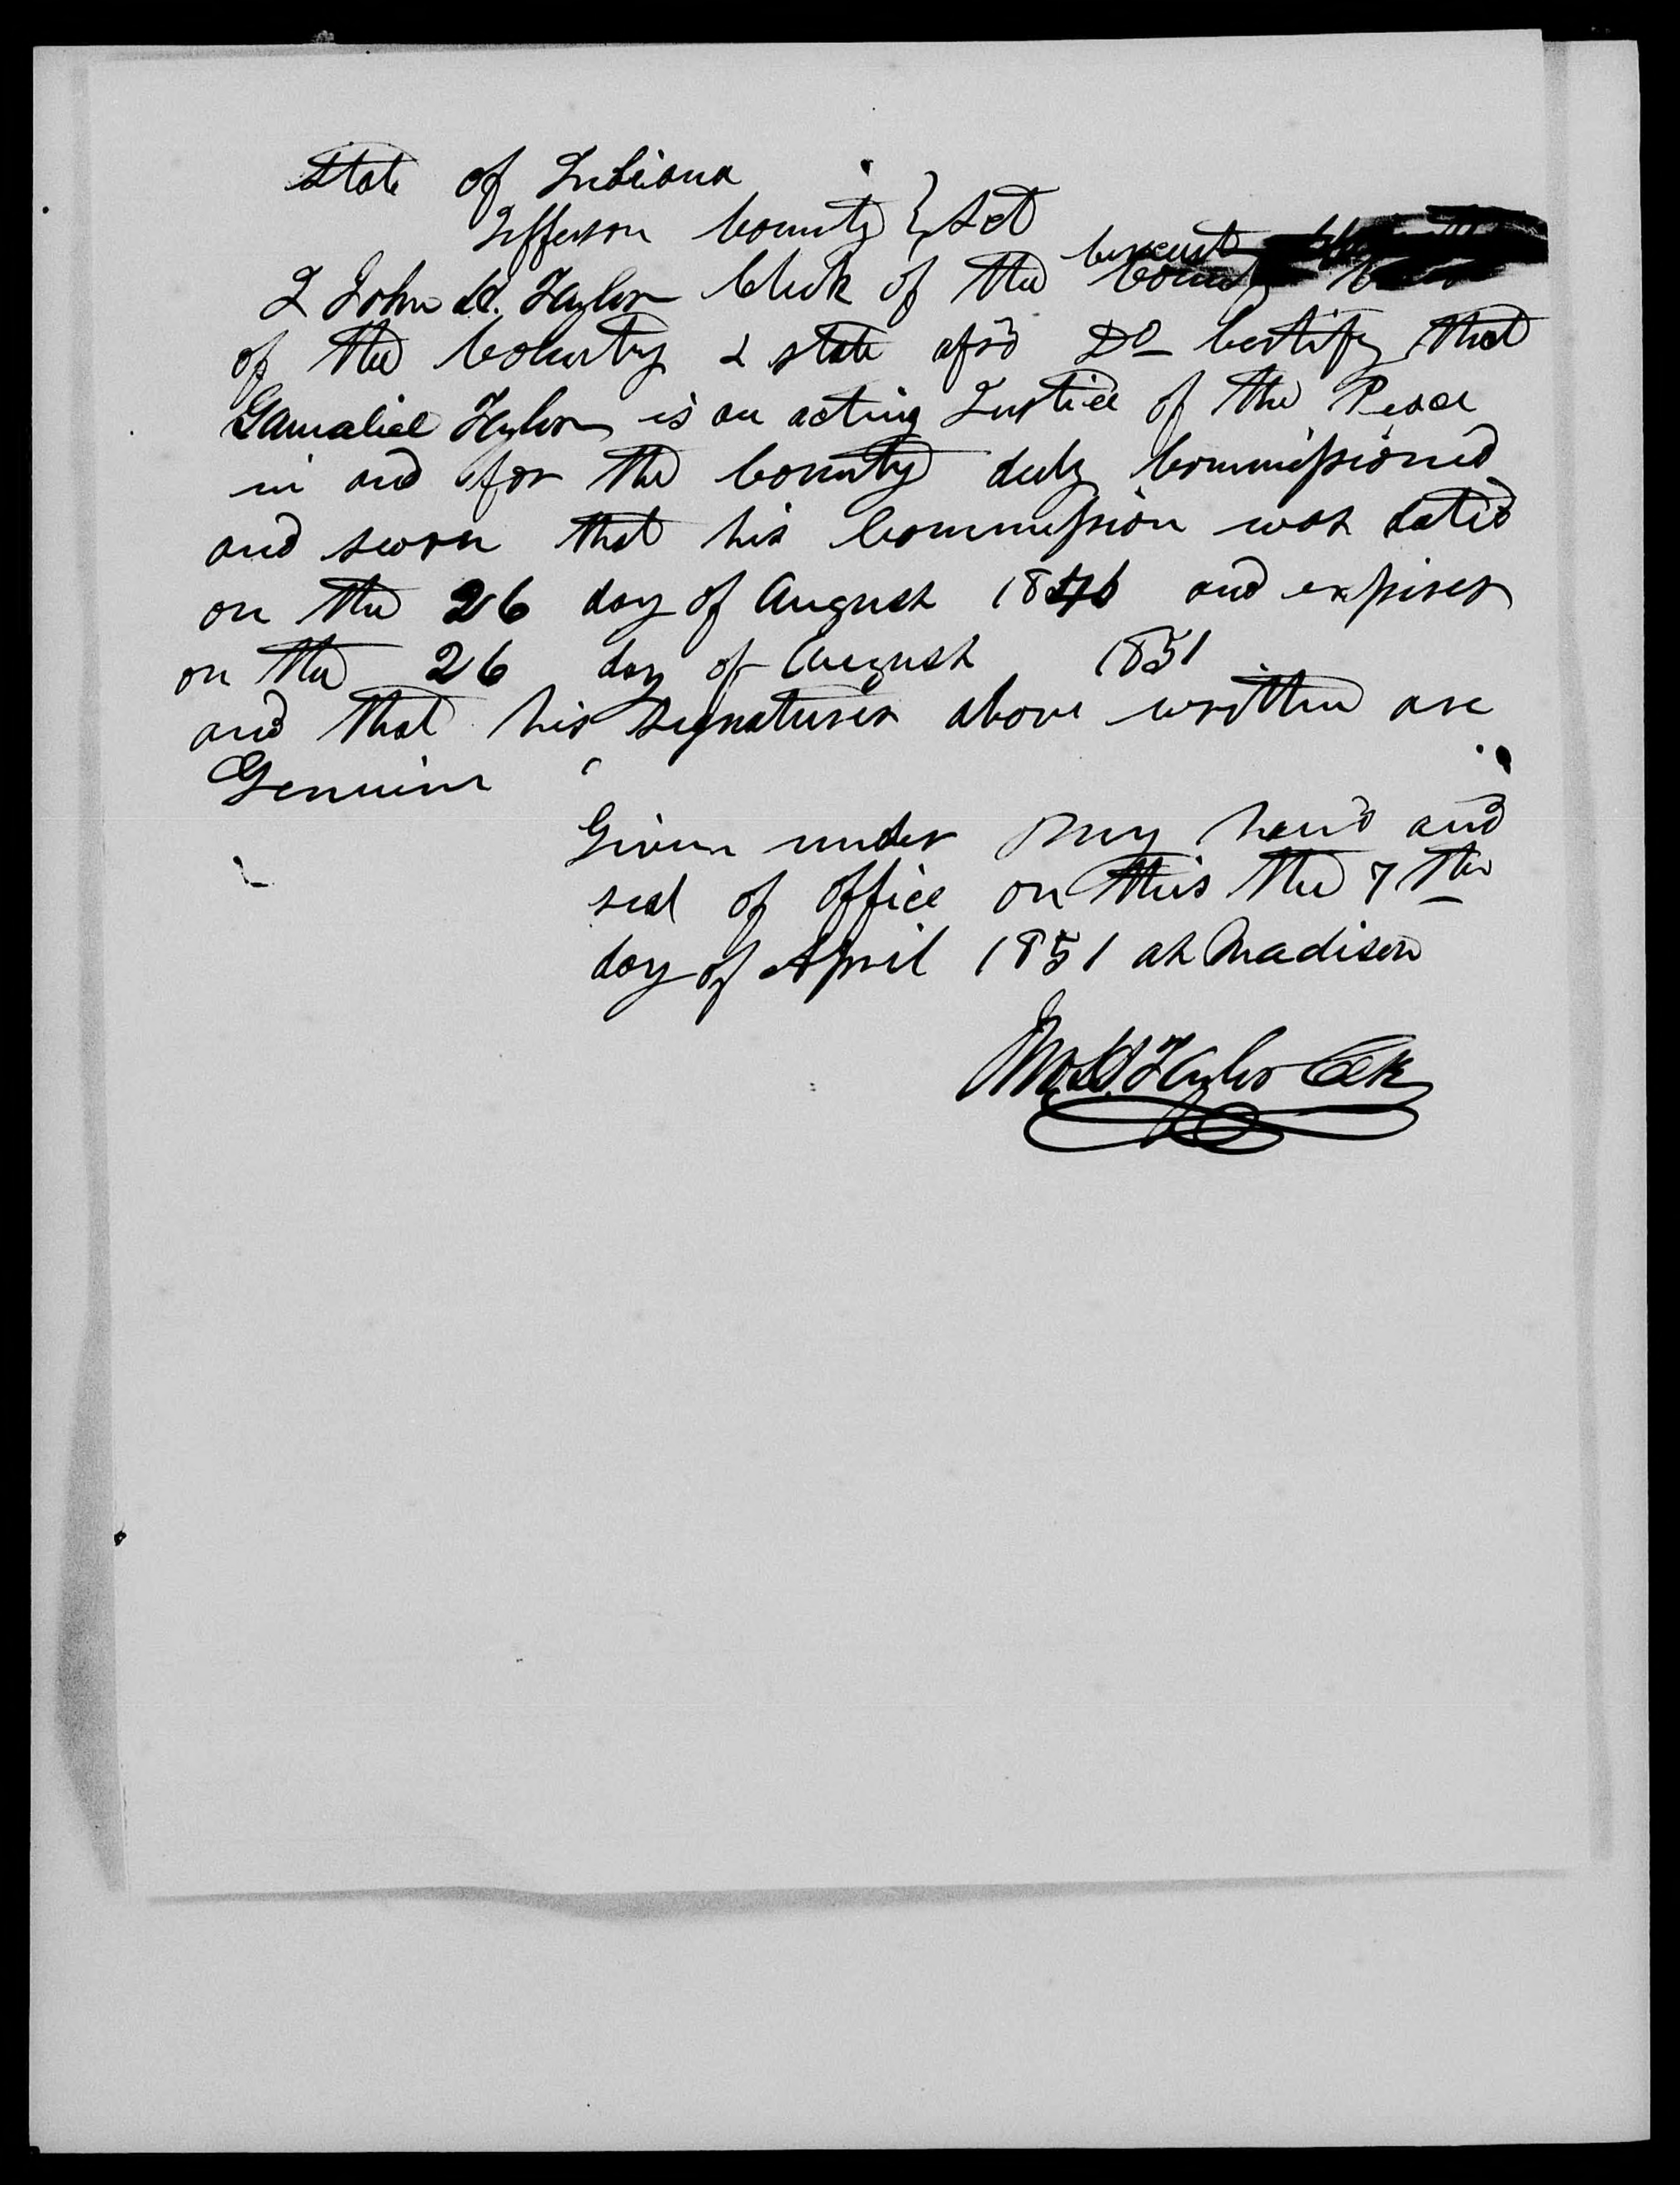State of Indiana   )set
Jefferson County )  
I John H. Taylor Clerk of the Circuit Court [words crossed out] 
of the County & state afsd [aforesaid] Do certify that 
Gamaliel Taylor is an acting Justice of the Peace in and for the County duly commissioned 
and sworn that his commission was dated 
on the 26 day of August 1846 and expires on the 26 day of August 1851 
and that his signatures above written are Genuine 
Given under my hand and 
seal of office on this the 7th 
day of April 1851 at Madison 
John H. Taylor Clk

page: 26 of 120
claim: widow's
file: W. 1044, for Salathiel Martin, North Carolina